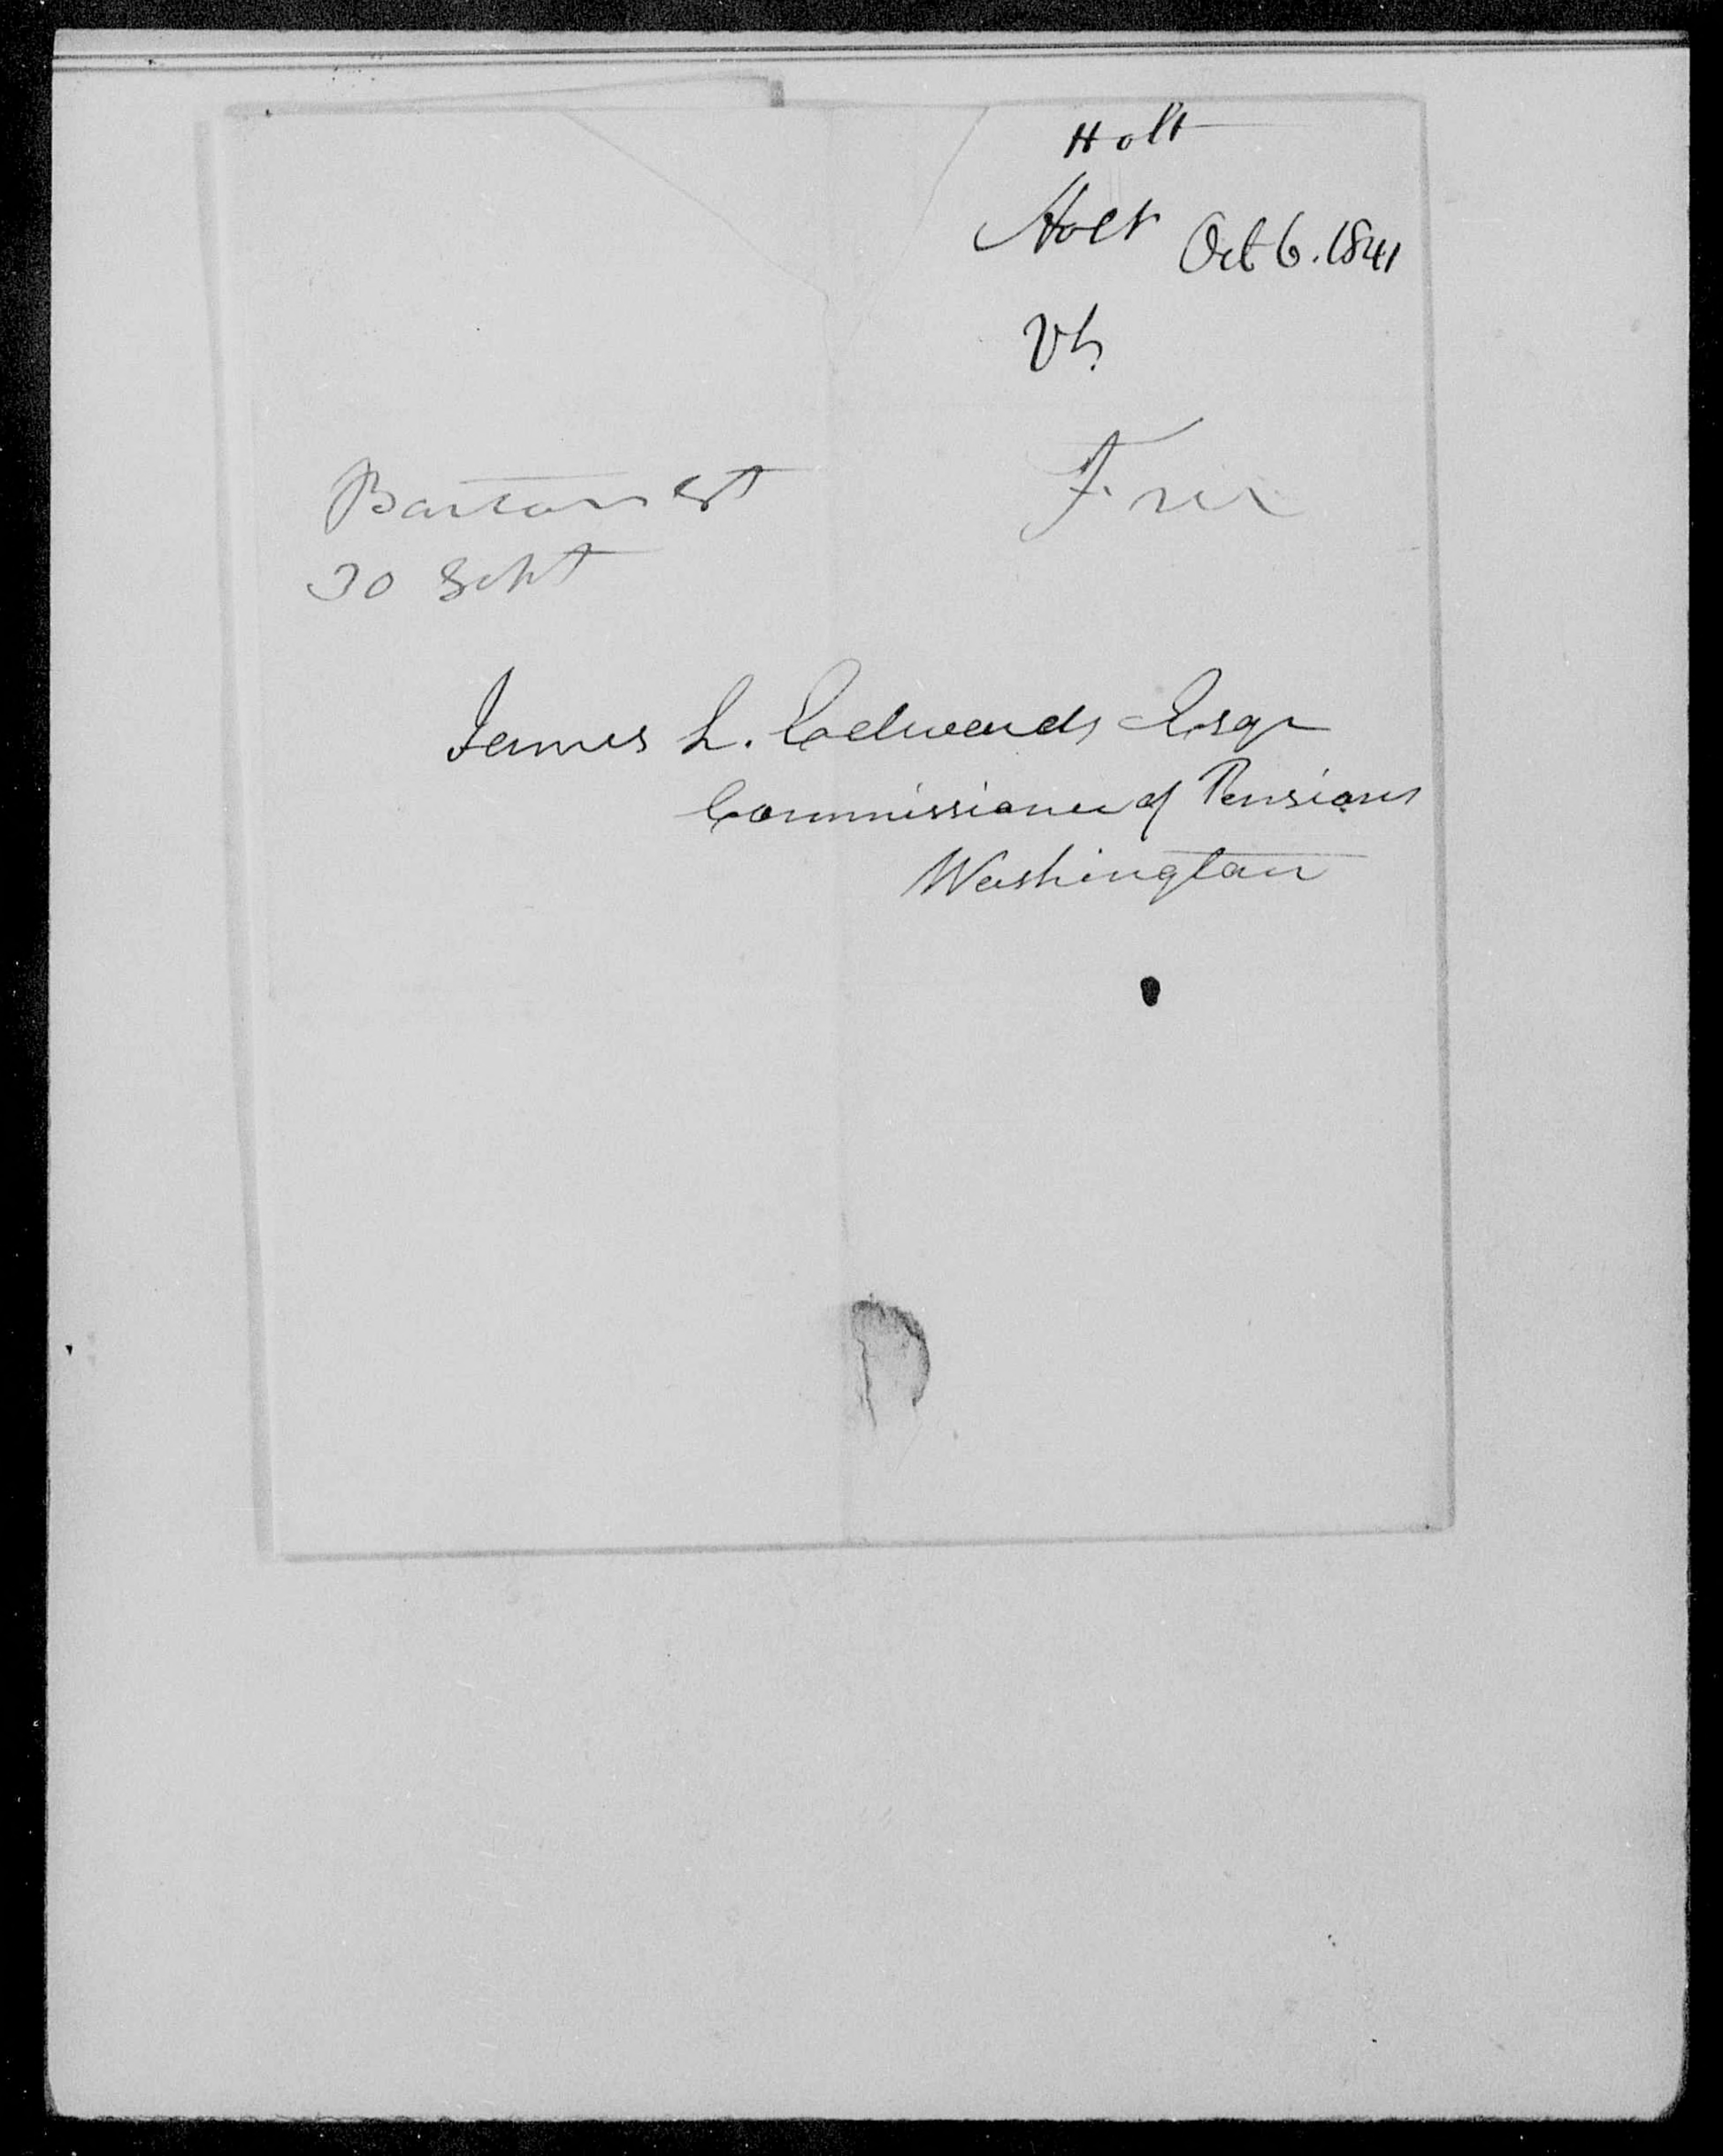Holt
Holt
Oct 6, 1841
Barton St
30 Sept
James L. Edwards Esq
Commissioner of Pensions
Washington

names: James L Edwards, Holt, Holt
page: 18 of 24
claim: rejected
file: R. 5180, Asa Holt, Mass. Vt.